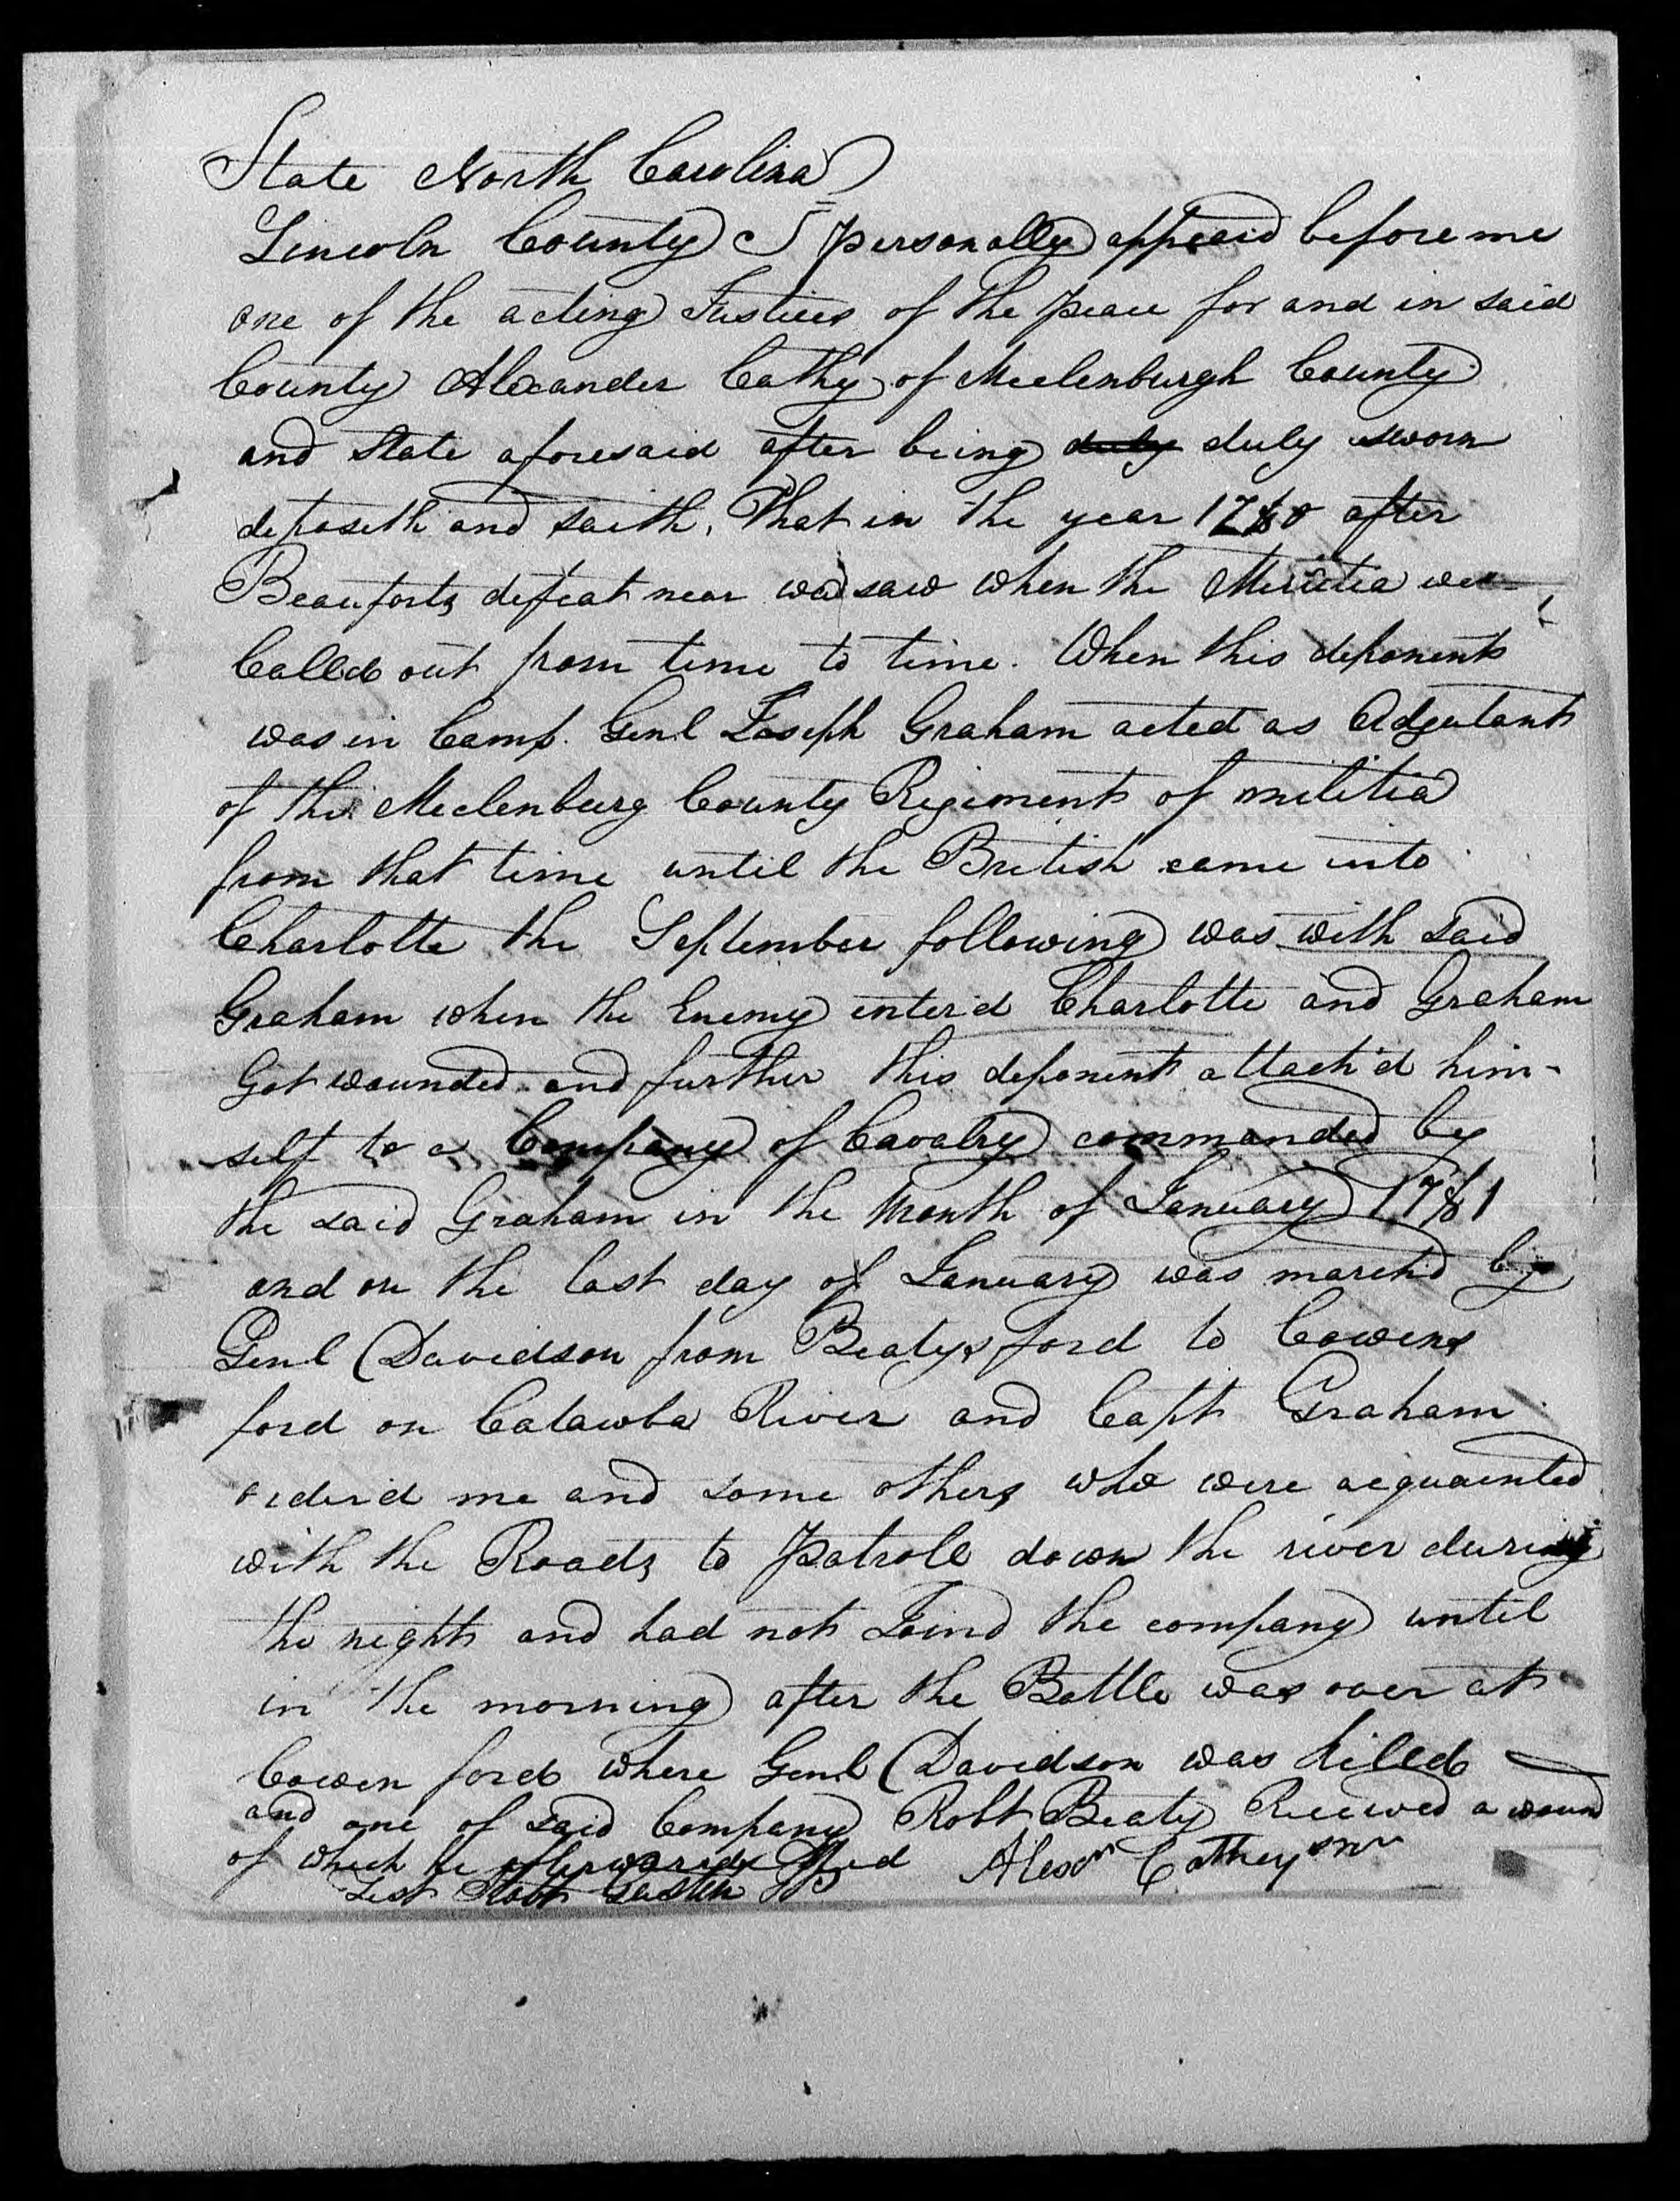State of North Carolina}
Lincoln County } Personally appeared before me one of the acting justices of the peace for an din said County Alexander Cathy of Mecklenburgh County and State aforesaid after being duly sworn deposeth and saith, That in the year 1780 after Beauforts defeat near Waxsaw [Waxhaw] when the Militia was called out from time to time. When this deponent was in Camp. Gen'l Joseph Graham acted as Adjutant of the Mecklenburg County Regiment of militia from that time until the British came into Charlotte the September following was with said Graham when the Enemy entered Charlotte and Graham got wounded and further this deponent attached himself to a Company of Cavalry commanded by the said Graham in the month of January 1781 and in the last day of January was marched by Gen'l Davidson from Beatysford to Cowens Ford on Catawba River and Capt. Graham ordered me and some others who were acquainted with the Roads to patrole down the river during the night and had not joined the company until in the morning after the battle was over t Cowan Ford where Gen'l Davidson was killed and one of said Company Robt. Beaty Received a wound of which he afterwards fled
Alexan Cathey Snr
[Signature]

Test 
Robt. Green J. P.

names: Davidson, Graham, Joseph Graham, Davidson, Robt Gasten, Alexander Cathy, Graham, Graham, Robt Beaty, Graham, Alexr Cathey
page: 47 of 55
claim: survivor's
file: S. 6,937, Joseph Graham, N.C.